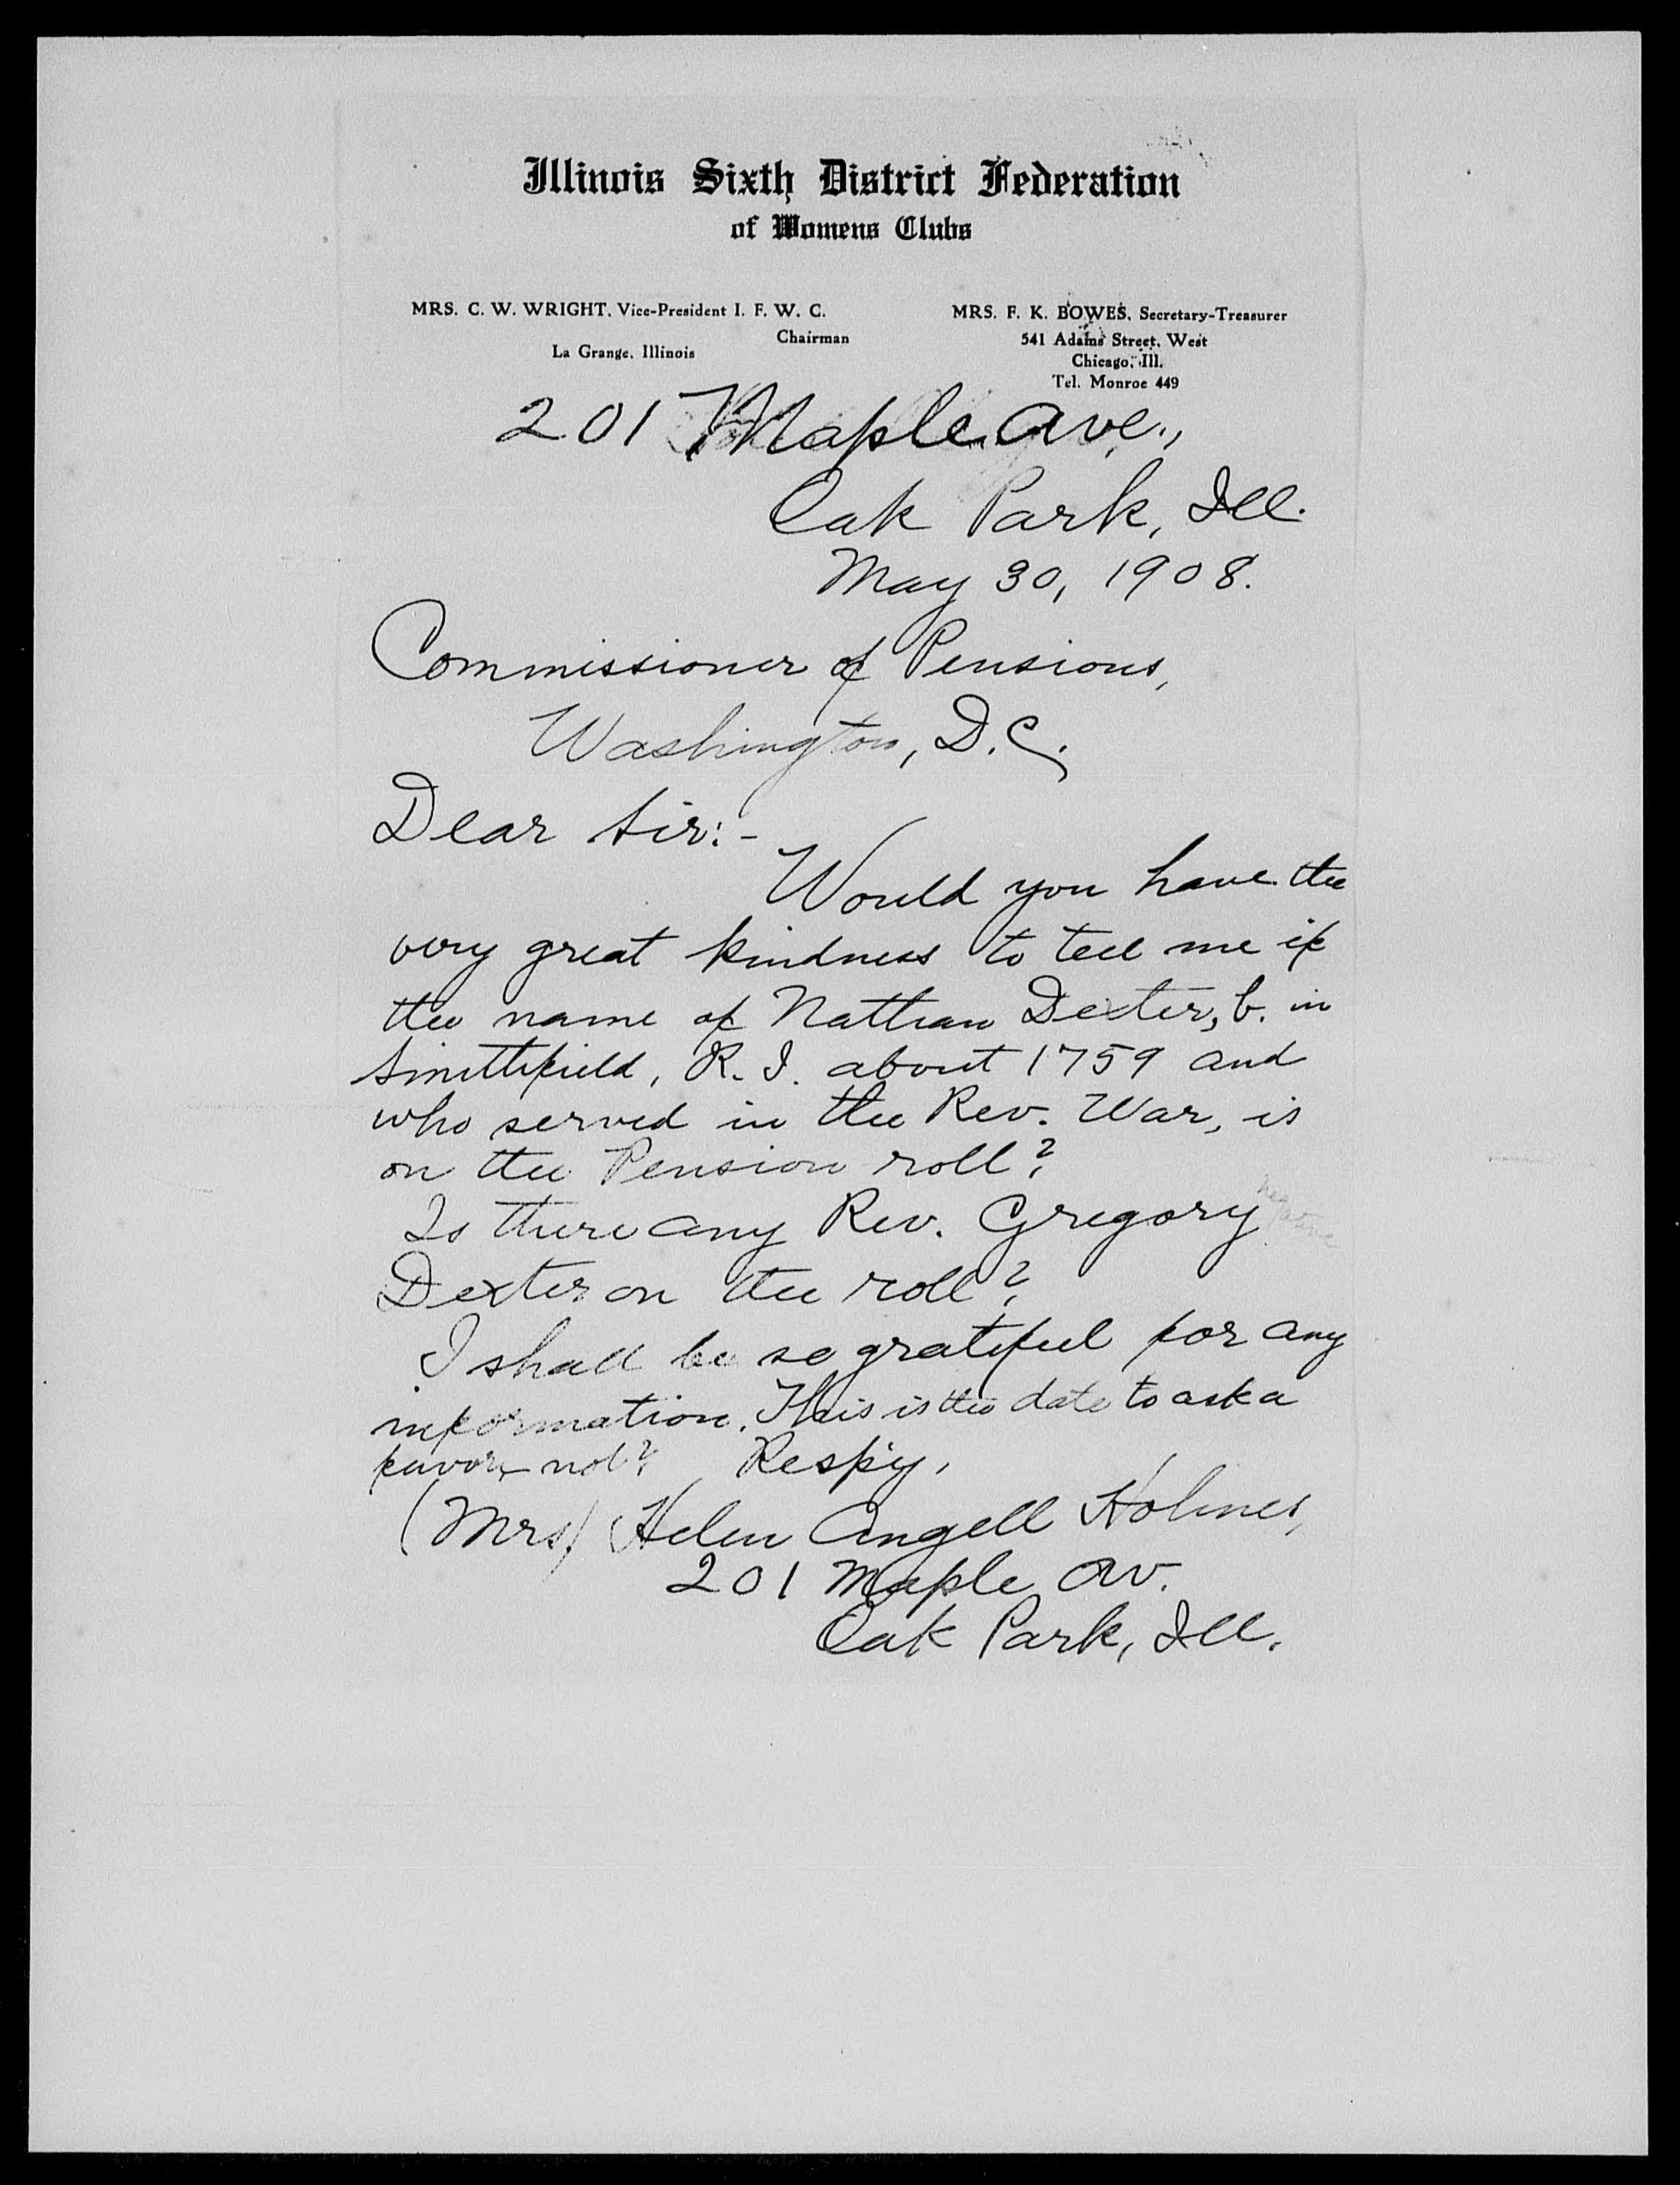Illinois Sixth District Federation
of Womens Clubs
MRS. C. W. WRIGHT, Vice-President 
I. F. W. C. Chairman
La Grange, Illinois
MRS. F.K. BOWES, Secretary-Treasurer
541 Adams Street, West
Chicago, Ill.
Tel. Monroe 449
201 Maple Ave.,
Oak Park, Ill.
May 30, 1908.
Commissioner of Pensions,
Washington, D. C.
Dear Sir:-
Would you have the very great kindness to tell me if the name of Nathan Dexter, b. in Smithfield, R. I. about 1759 and who served in the Rev. War, is on the Pension roll?
Is there any Rev. Gregory Dexter on the roll?
I shall be so grateful for any information.  This is the date to ask a favor not?
Resp'y,
(Mrs.) Helen Angell Holmes,
201 Maple Av.
Oak Park, Ill.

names: C W Wright, Nathan Dexter, Gregory Dexter, F K Bowes, Helen Angell Holmes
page: 16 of 35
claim: survivor's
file: S. 18374, Nathan Dexter, R.I.